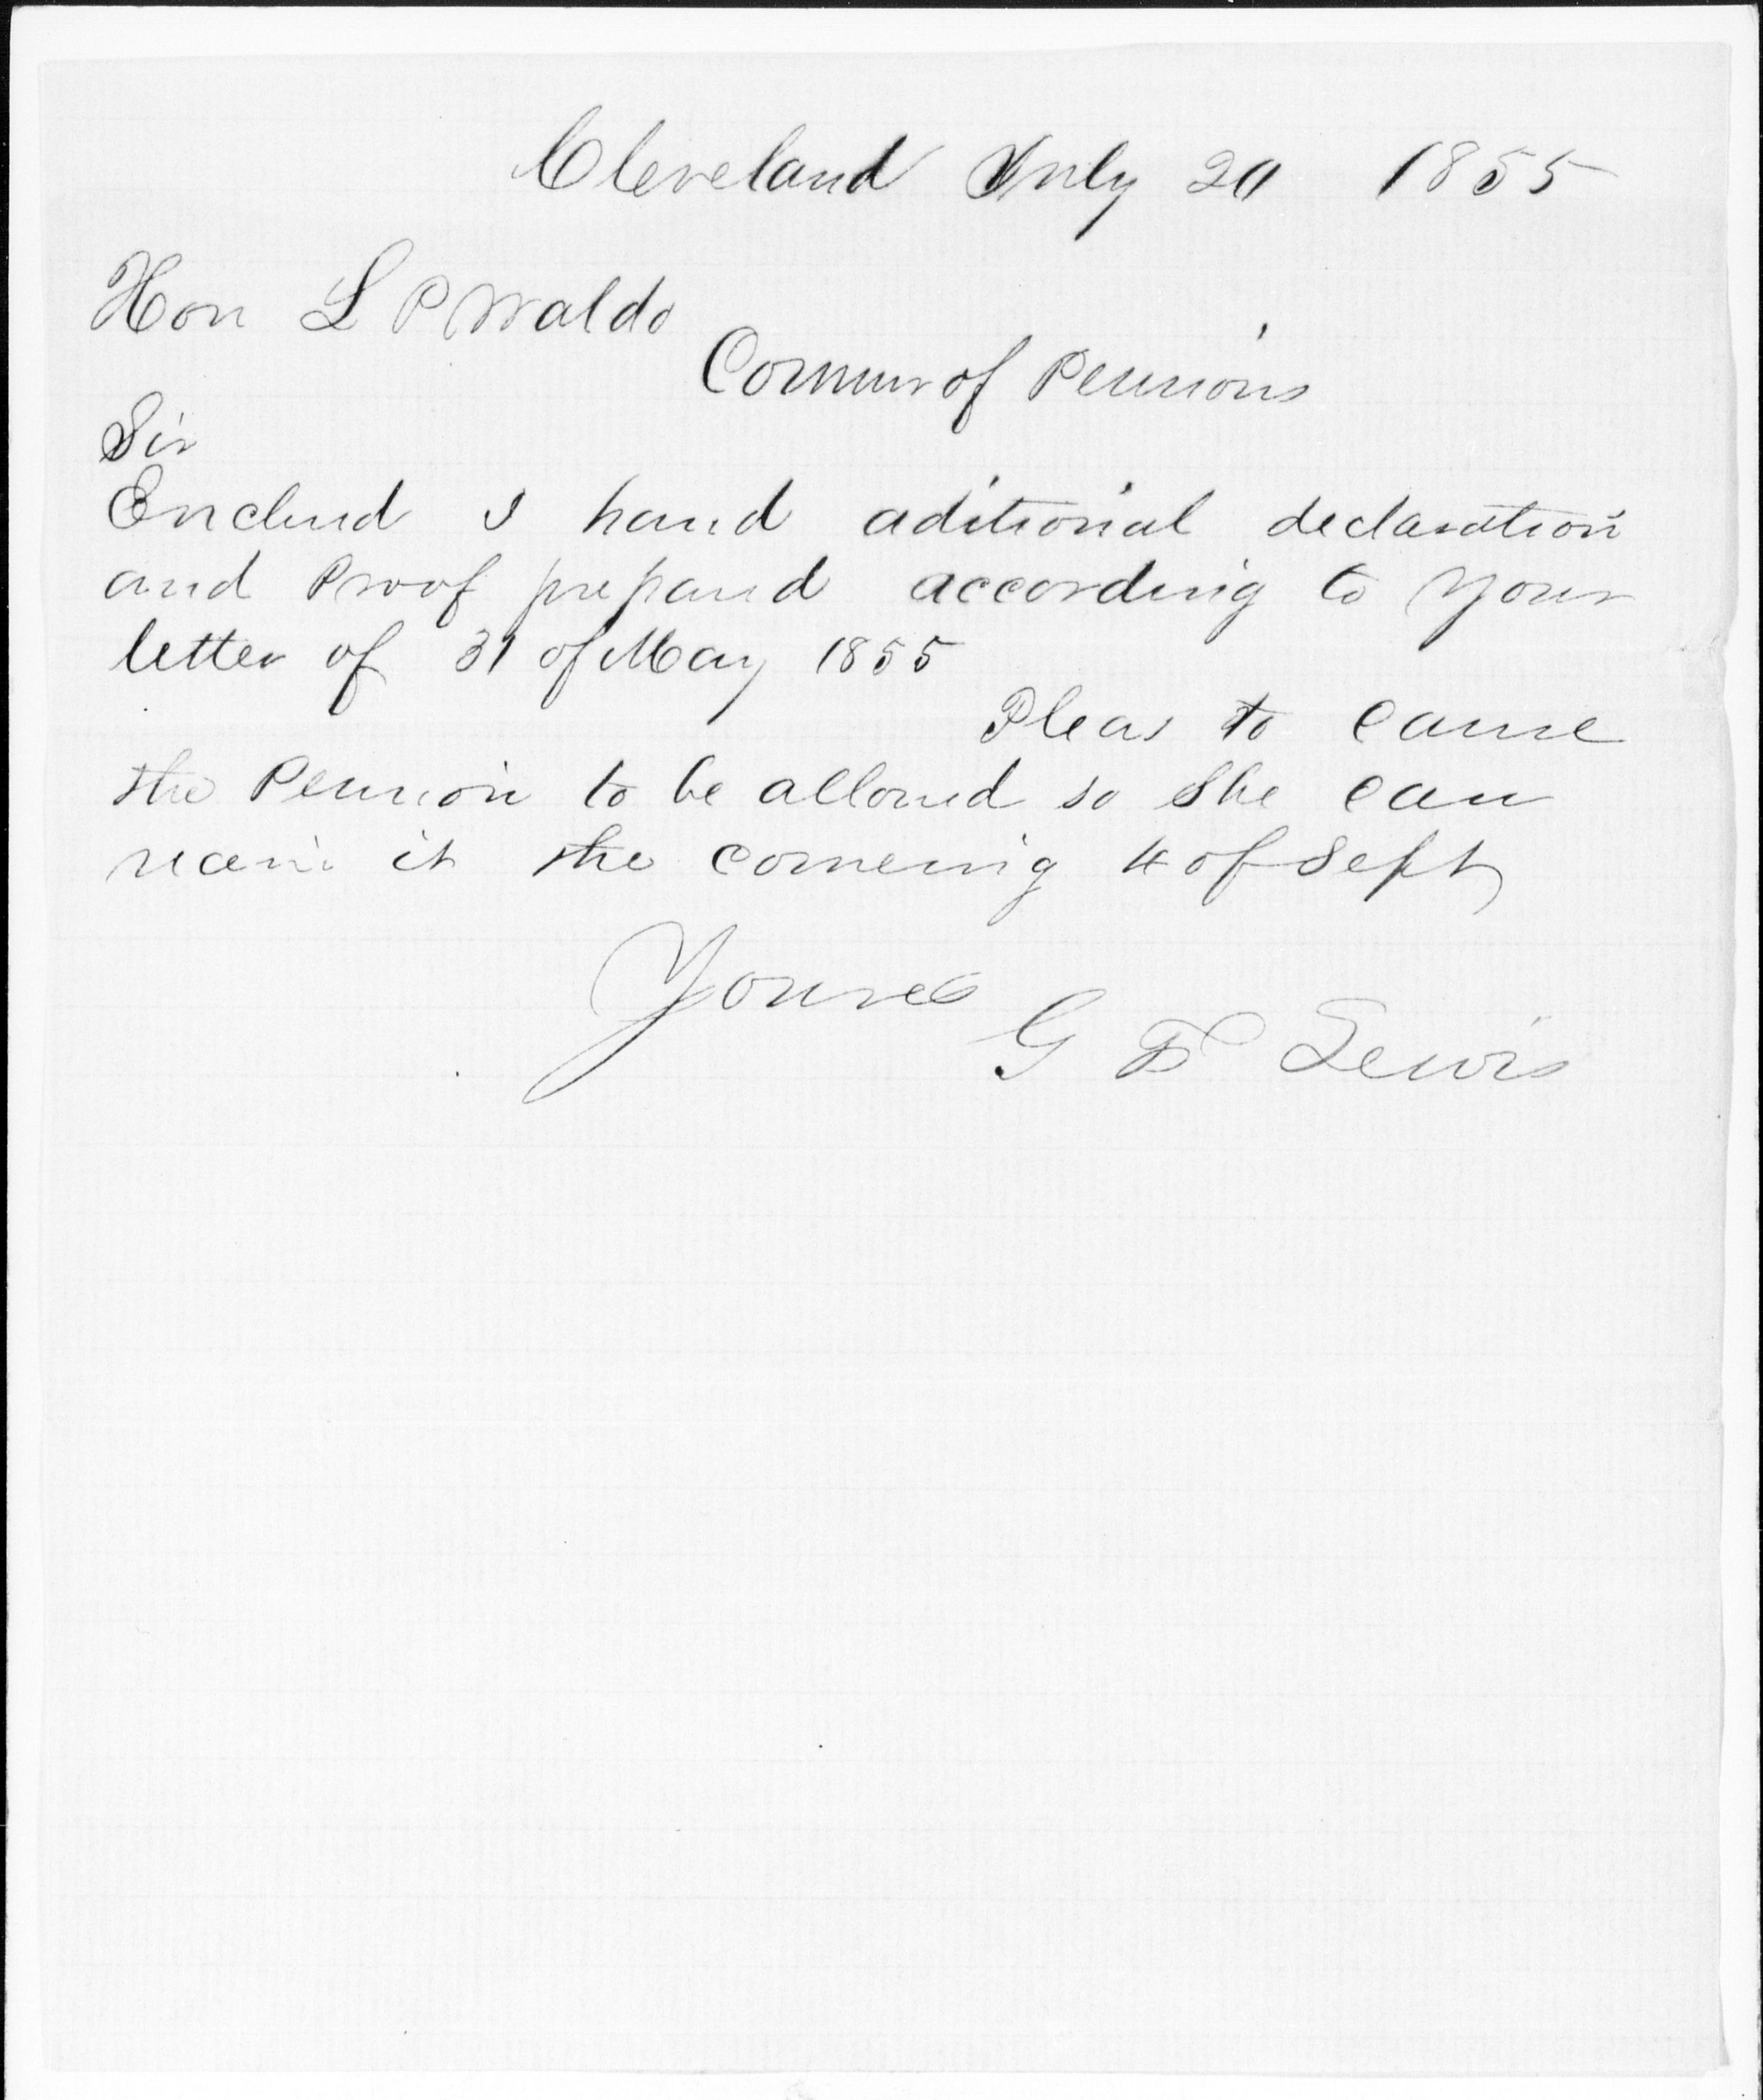Cleveland July 20 1855
Hon L P Waldo
Commr of Pensions
Sir
Enclosed I hand additional declaration
and proof prepared according to your
letter of 31 of May 1855
Pleas to cause
the Pension to be allowed so she can
receive it the comeing 4 of Sept
Yours
G. F. Lewis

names: G F Lewis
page: 39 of 78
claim: widow's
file: W. 4117, Nathaniel Bradley, Conn.